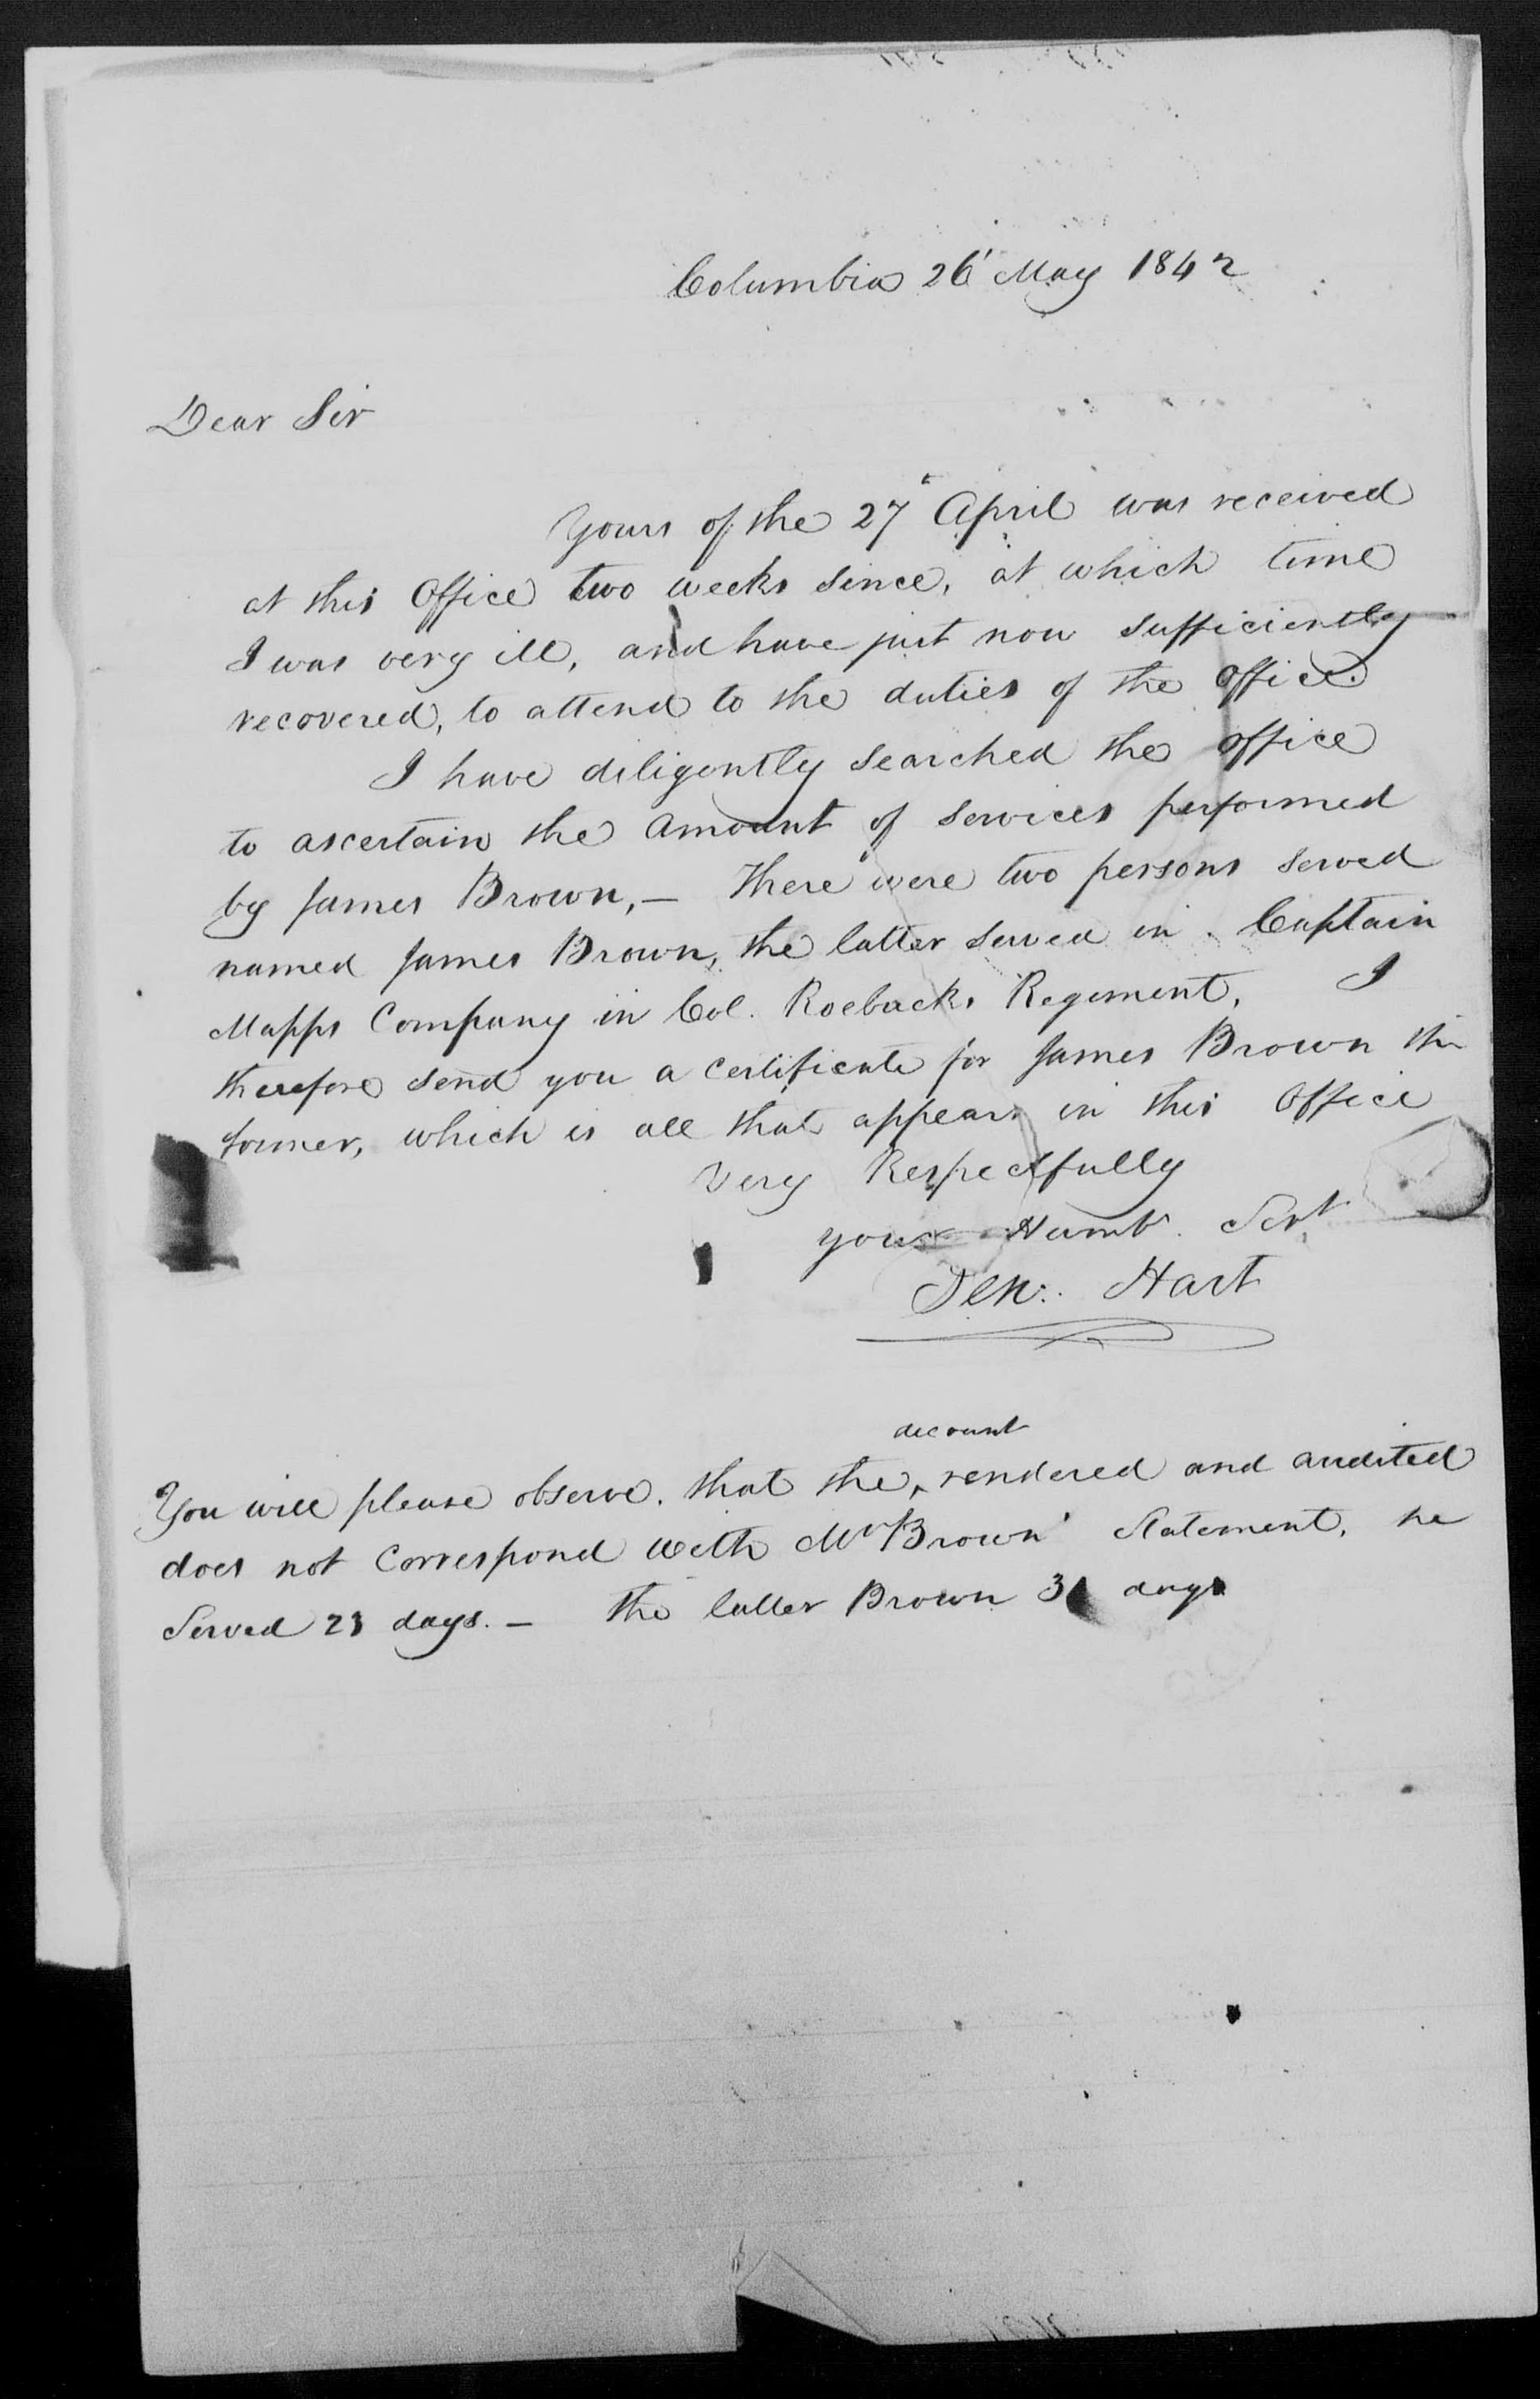Columbia 26 May 1842
Dear Sir
Yours of the 27th April was received
at this office two weeks since, at which time I was very ill, and have just now sufficiently recovered, to attend to the duties of the office
I have diligently searched the office
to ascertain the amount of services performed by James Brown.
There were two persons served
named James Brown the latter served in Captain Mapps Company in Col. Roebucks Regiment.
I therefore send you a certificate for James Brown the former, which is all that appears in this Office
very Respectfully
your Humble servant
Den. Hart
decount
You will please observe, that the account rendered and audited
does not correspond with Mr Brown's Statement, he Served 23 days. the
latter Brown 31 days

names: Den Hart, Brown, Brown, James Brown, James Brown, James Brown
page: 40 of 41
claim: rejected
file: R. 1309, James Brown, S.C.